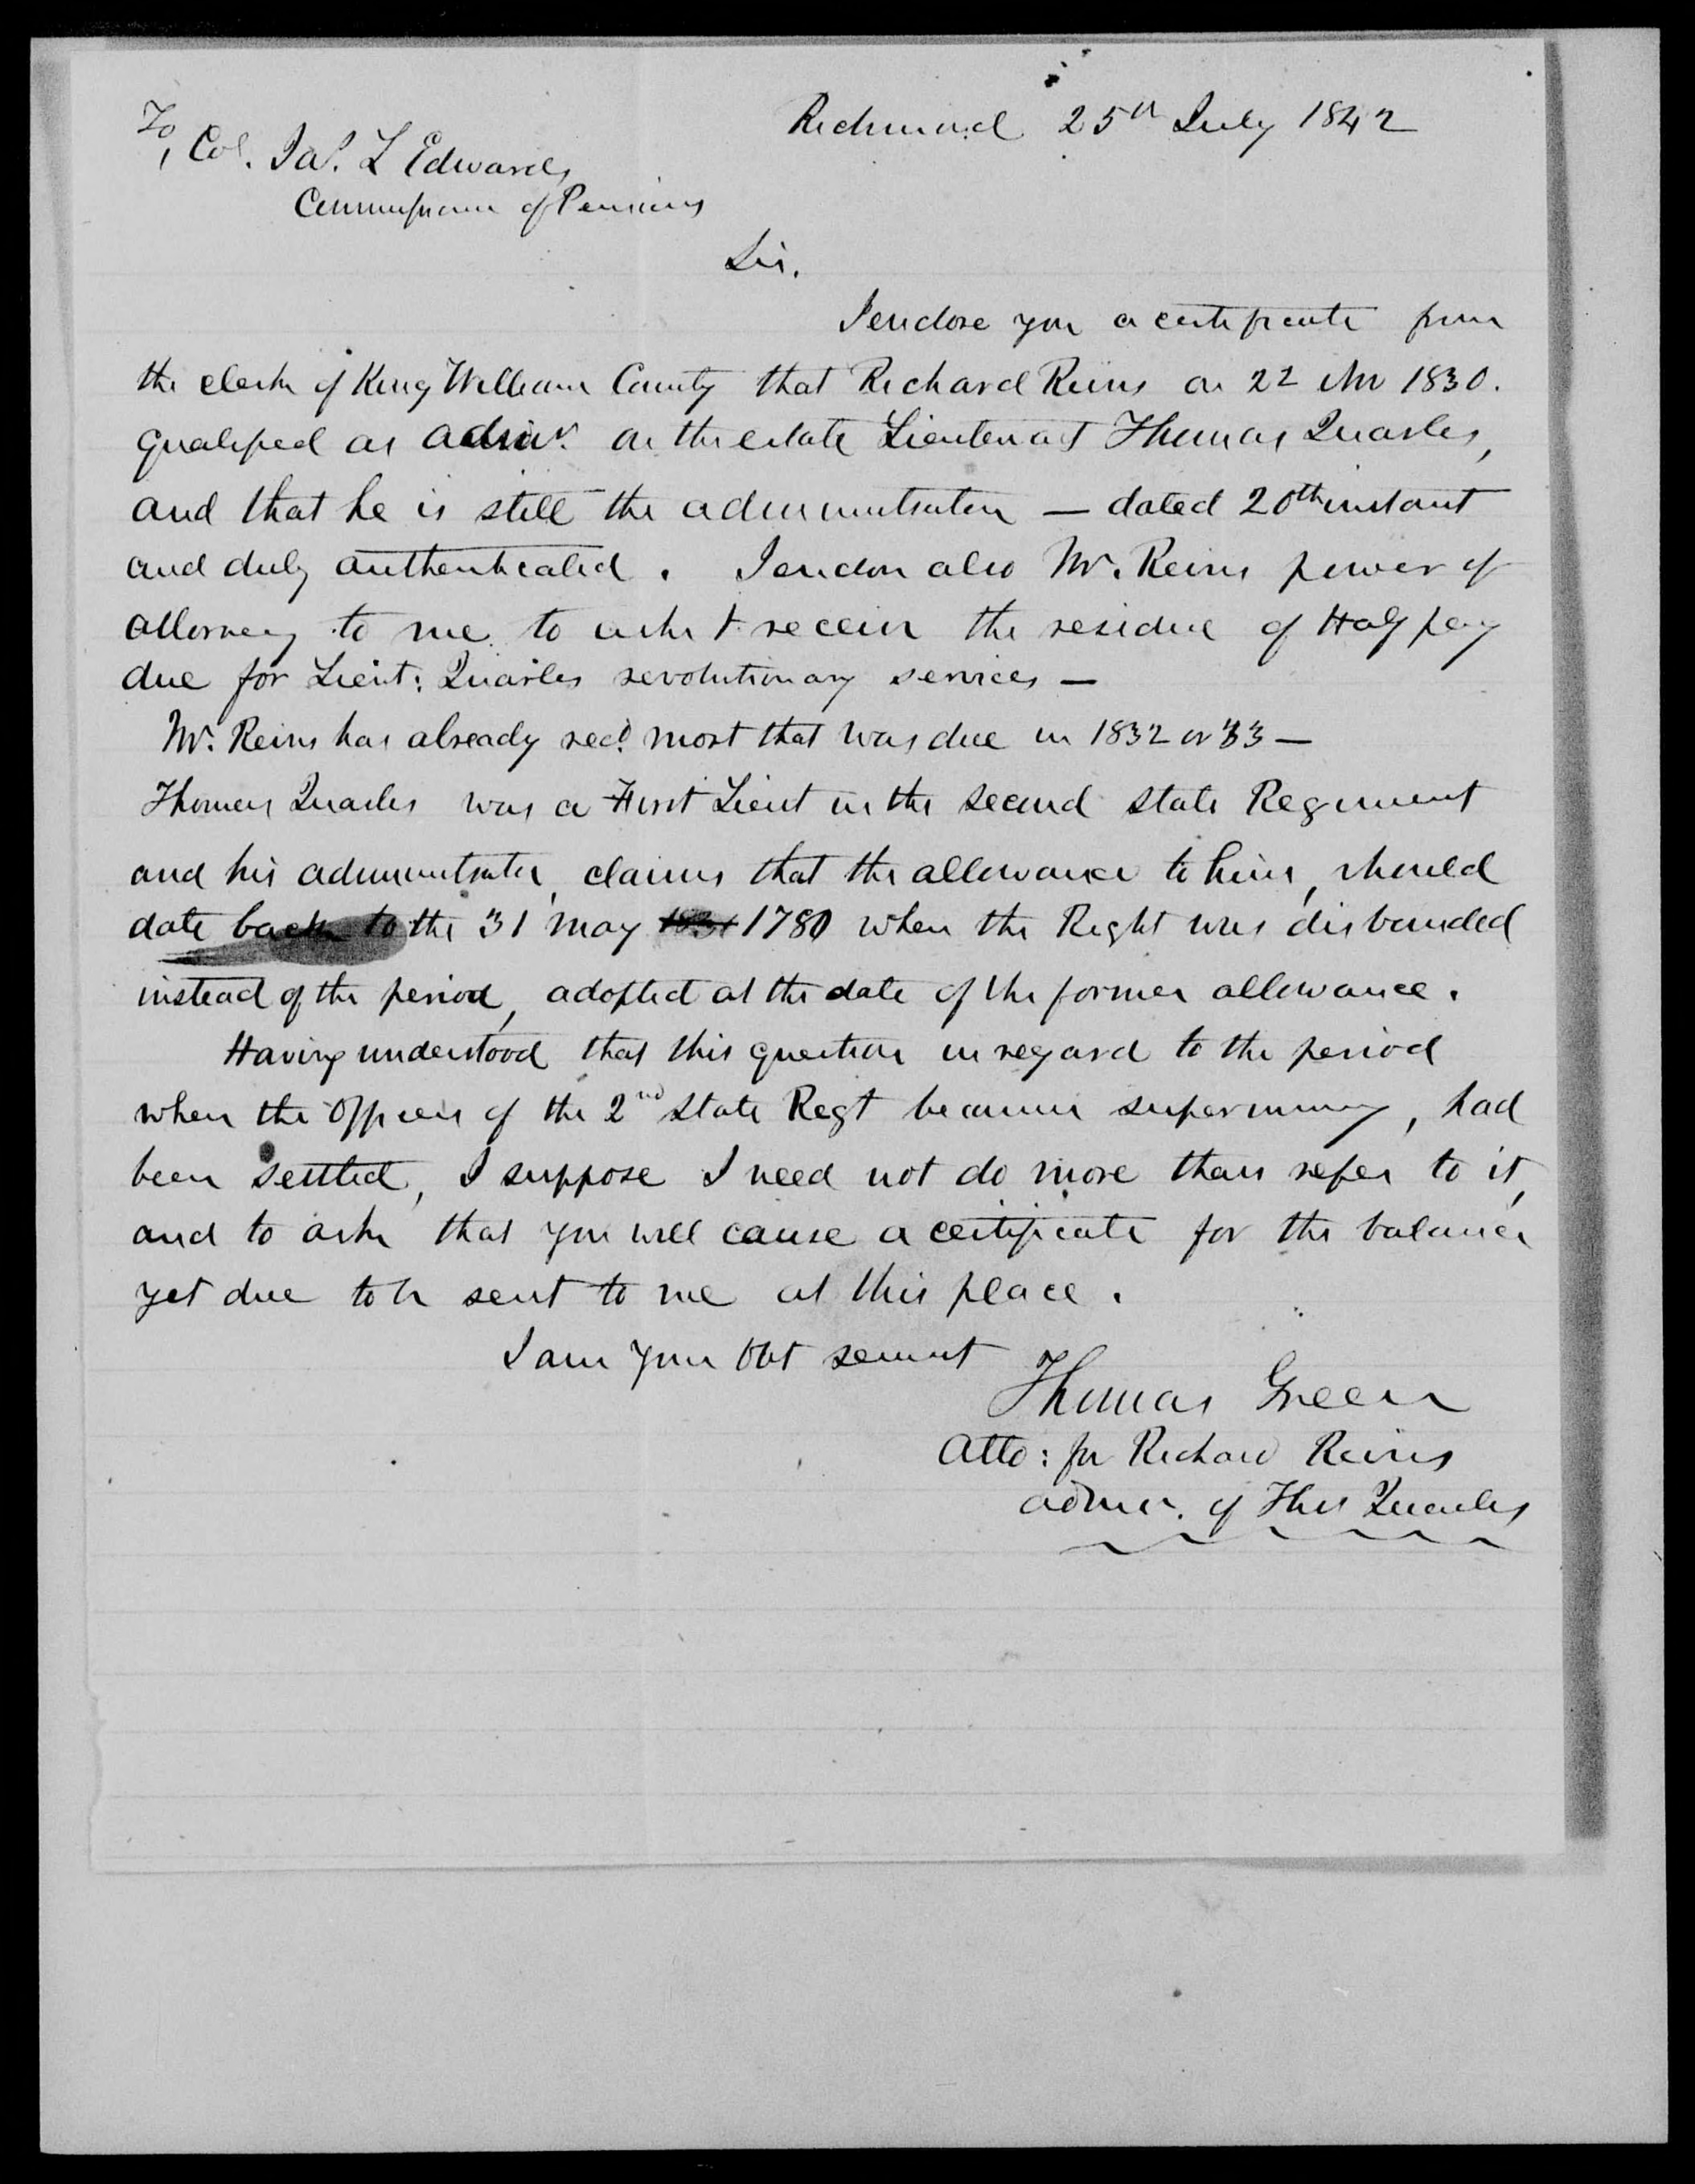Richmond 25th July 1842

To Col. Jas. L Edwards
Commissioner of Pensions

Sir,

I enclose you a certificate from the clerk of King William County that Richard Reins on 22 Mr 1830 qualified as adm'r on the estate Lieutenant Thomas Quarles, and that he is still the administrator __ dated 20th instant and duly authenticated. I enclose also Mr. Reins power of attorney to me to ask + receive the residue of half pay due for Lieut. Quarles revolutionary services.

Mr. Reins has already rec'd most that was due in 1832 or '33.

Thomas Quarles was a First Lieut in the second state Regiment and his administrator claims that the allowance to heirs should date back to the 31 May 1780 when the Right was disbanded instead of the period, adopted at the date of the former allowance.

Having understood that this question in regard to the period when the officer of the 2nd state Regt became supernumerary, had been settled, I suppose I need not do more than refer to it, and to ask that you will cause a certificate for the balance yet due to be sent to me at this place.

I am your obt servant
Thomas Green
Atto: for Richard Reins
admin of Thos Quarles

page: 15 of 22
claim: rejected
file: R. 17251, for Thomas Quarles, Virginia